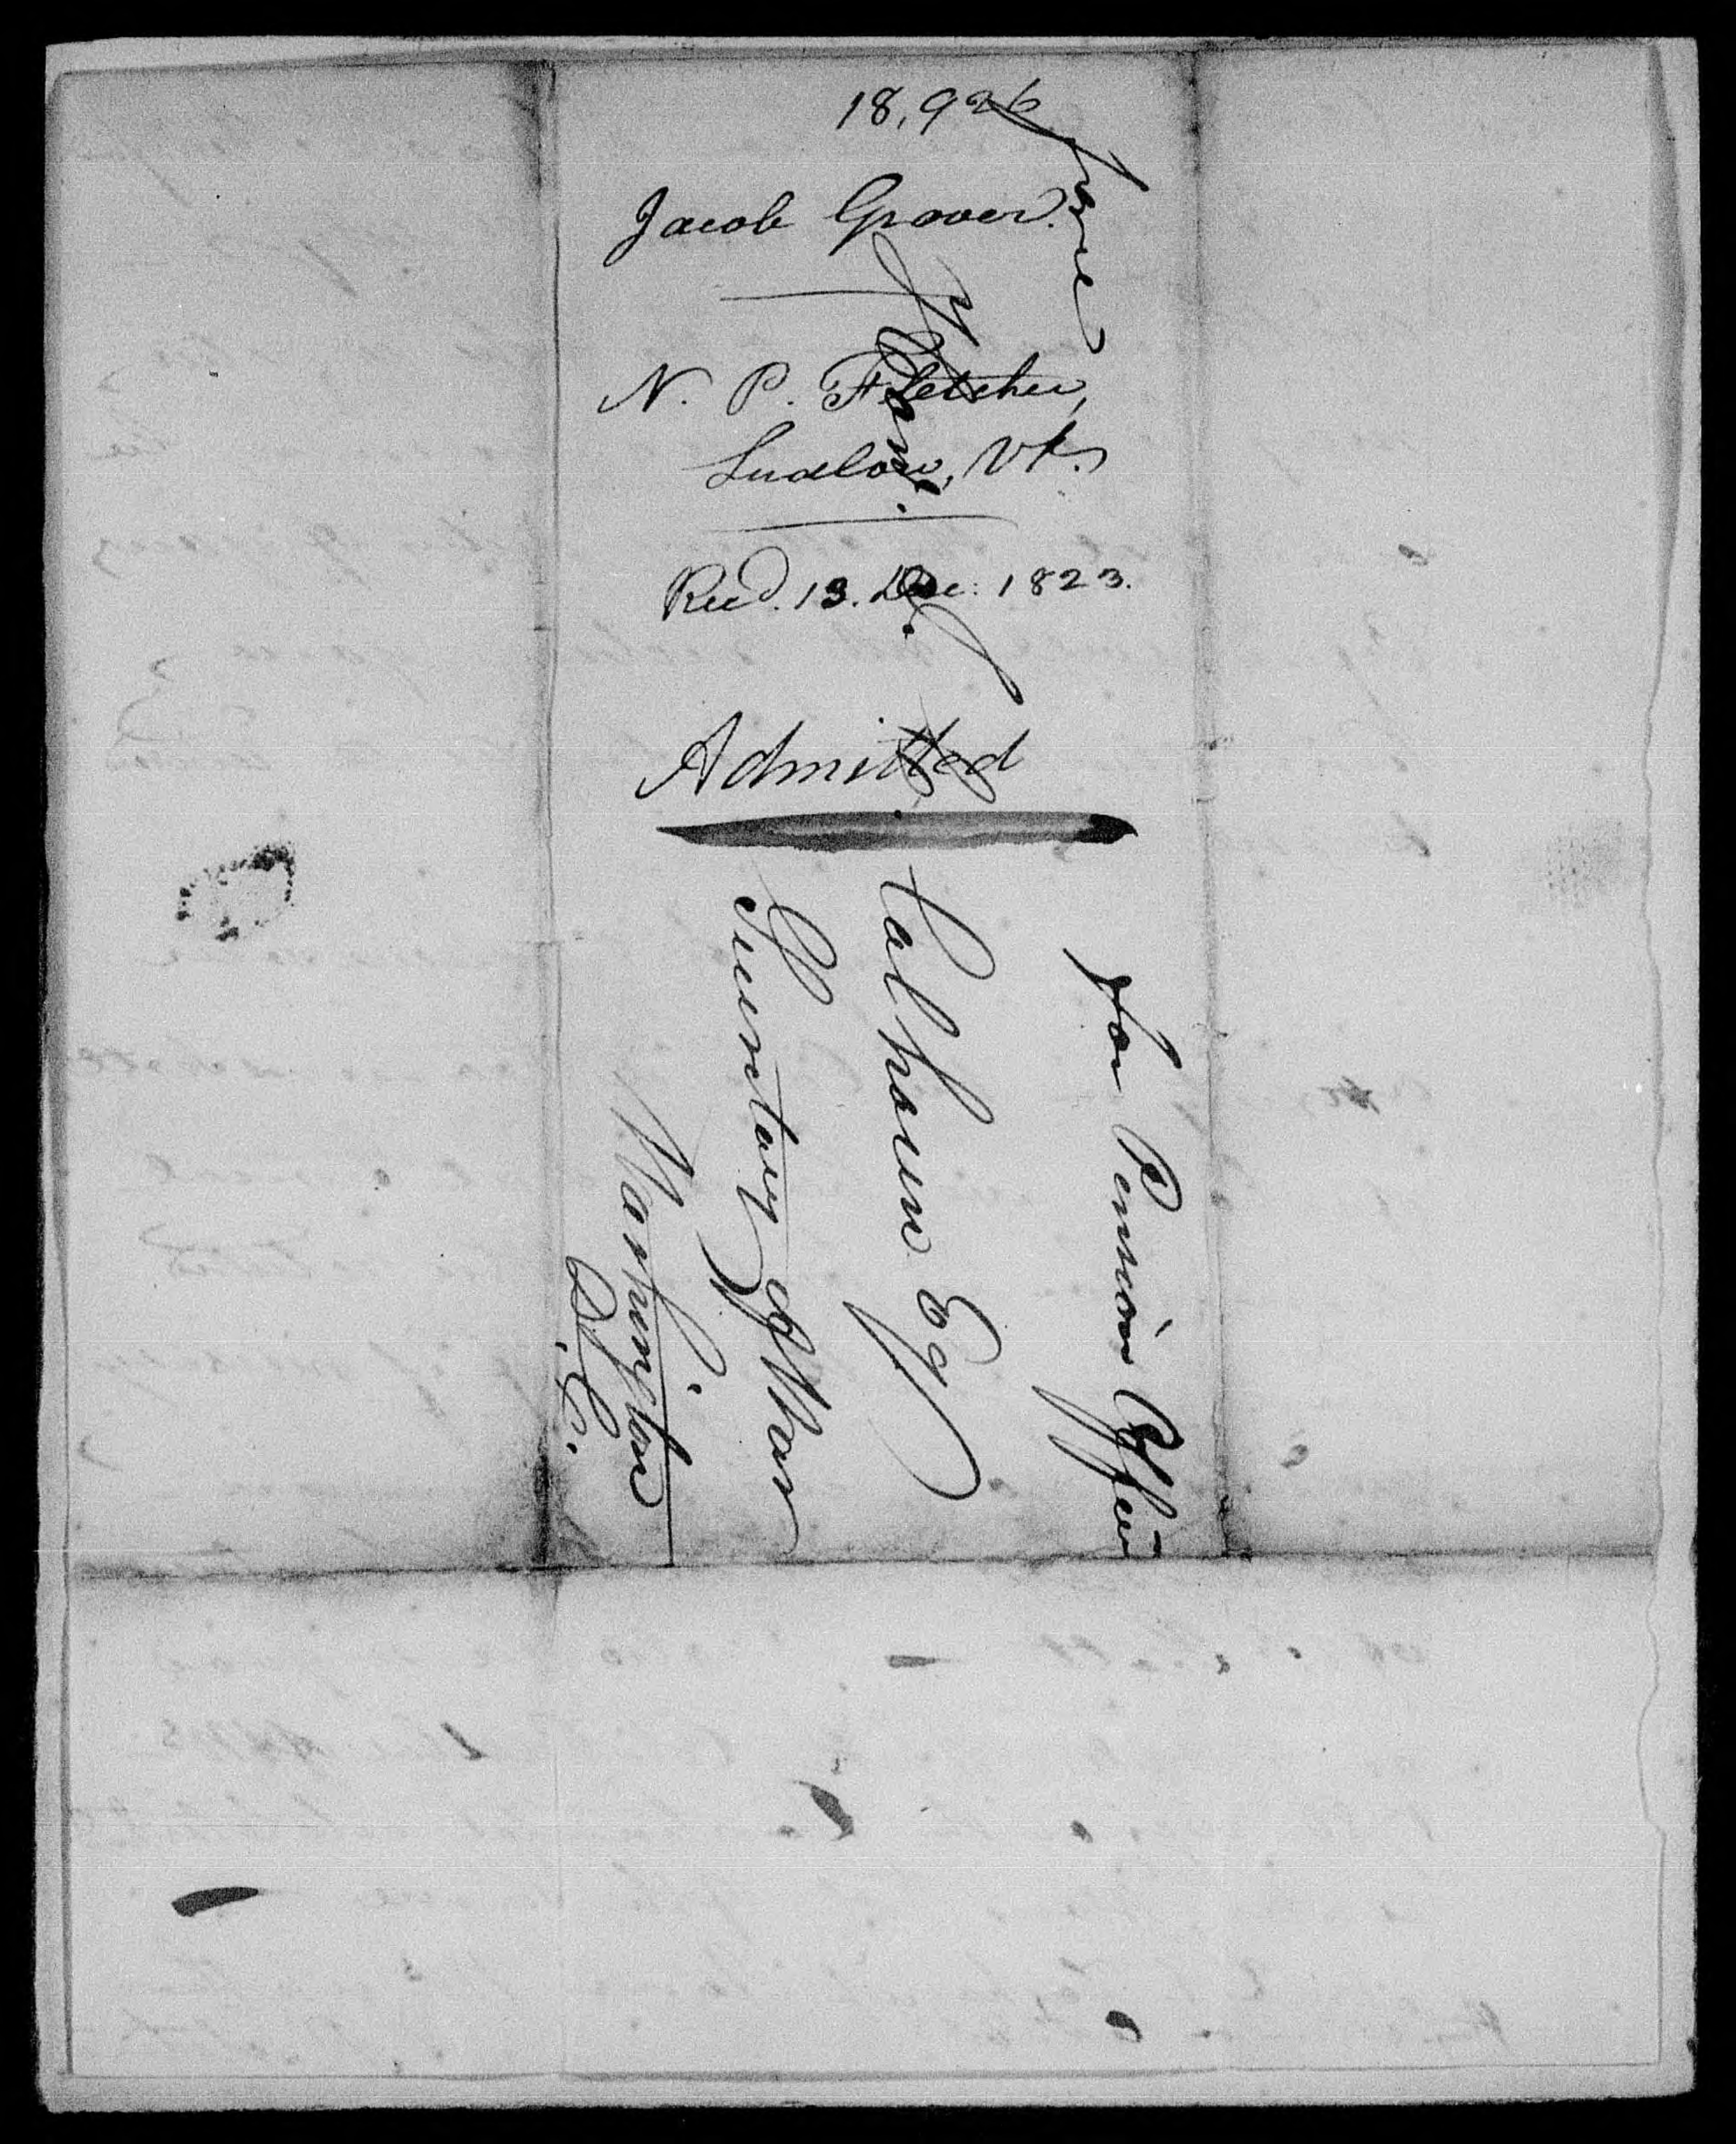(Front of Envelope)
18,926
Jacob Grover

N. P. Fletcher
Ludlow, VT.

Re'd 13 Dec. 1823

Admitted

For Pension Office
J. C. Calhoun Esq
Secretary of War
Washington D.C.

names: J C Calhoun, Jacob Grover, N P Fletcher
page: 15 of 22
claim: survivor's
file: S. 38777, Jacob Grover, Continental (Vt.)